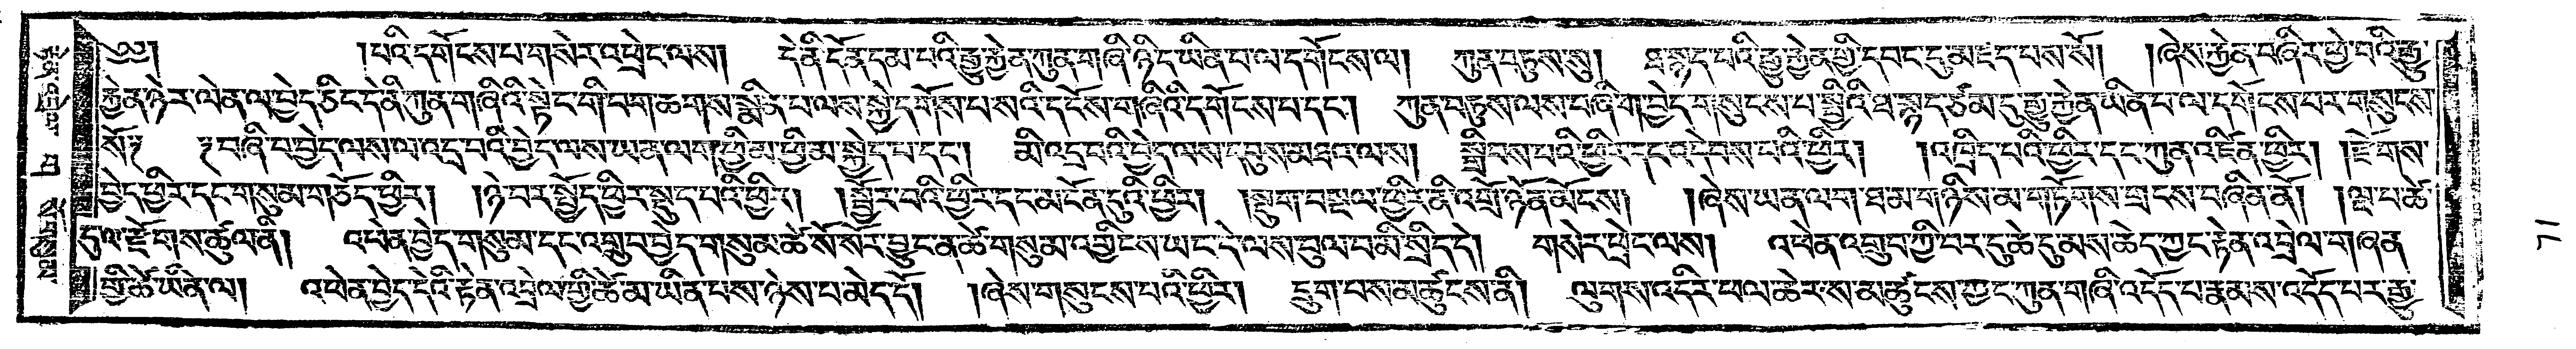༄༅། །པའི་དགོངས་པ་གསེར་འཕྲེང་ལས། དེ་ནི་དོན་དམ་པའི་རྒྱུ་རྐྱེན་ཀུན་གཞི་ཉིད་ཡིན་པ་ལ་དགོངས་ལ། ཀུན་བཏུས་སུ། ཐ་སྙད་པའི་རྒྱུ་རྐྱེན་གྱི་དབང་དུ་མཛད་པས་སོ། །ཞེས་རྐྱེན་བཞིར་ཕྱེ་བའི་རྒྱུ་
རྐྱེན་ཉེར་ལེན་ལ་བྱེད་ཅིང་དེ་ནི་ཀུན་གཞིའི་སྟེང་གི་བག་ཆགས་སྨིན་པ་ལས་སྐྱེ་དགོས་པ་སའི་དངོས་གཞིའི་དགོངས་པ་དང་། ཀུན་བཏུས་ལས་བཞི་ག་བྱེད་གསུངས་པ་སྤྱིའི་ཐ་སྙད་ཙམ་དུ་རྒྱ་རྐྱེན་ཡིན་པ་ལ་དགོངས་པར་གསུངས་
སོ༑ །བཞི་བ་བྱེད་ལས་ལ་འདྲ་བའི་བྱེད་ལས་ཡན་ལག་བྱི་མ་ཕྱི་མ་སྐྱེད་པ་དང་། མི་འདྲུ་བའི་བྱེད་ལས་དབུས་མཐའ་ལས། སྒྲིབས་པའི་ཕྱིར་དང་། འདེབས་བའི་ཕྱིར། །འཁྲིད་པའི་ཕྱིར་དང་ཀུན་འཛིན་ཕྱིར། རྫོགས་
བྱེད་ཕྱིར་དང་གསམ་གཅོད་ཕྱིར། །ཉེ་བར་སྤྱོད་ཕྱིར་སྡུད་པའི་ཕྱིར། །སྦྱོར་བའི་ཕྱིར་དང་མངོན་དུའི་ཕྱིར། །སྡུག་བསྔལ་ཕྱིར་ནི་འགྲོ་ཉོན་མོངས། །ཞེས་ཡན་ལག་ཐ་མ་གཉིས་མ་གཏོགས་གྲངས་བཞིན་ནོ། །ལྔ་པ་ཚེ་
དུ་ལ་རྫོགས་ཚུལ་ནི། འཕེན་བྱེད་གསུམ་དང་འགྲུབ་བྱེད་གསུམ་ཆོས་སོ་སོར་བྱུང་ན་ཚེ་གསུམ་འགྱེངས་ཡང་དེ་ལས་བུལ་བ་མི་སྲིད་དེ། གསེར་ཕྱེང་ལས། འཕེན་འགྲུབ་ཀྱི་བར་དུ་ཚེ་དུམས་ཆེར་ཀྱང་རྟེན་འབྲེལ་གཞན་
གྱི་ཚེ་ཡིན་ལ། འཕེན་བྱེད་དེའི་རྟེན་འབྲེལ་གྱི་ཚེ་མ་ཡིན་པས་ཉེས་པ་མེད་དོ། །ཞེས་གསུངས་པའི་ཕྱིར། དྲུག་པས་མཚུངས་ནི། ལུགས་འདིར་བལ་ཆེར་ས་མཚུངས་ཀྱང་ཀུན་གཞི་འདོད་པ་རྣམས་འདོད་པར་རྒྱུ་